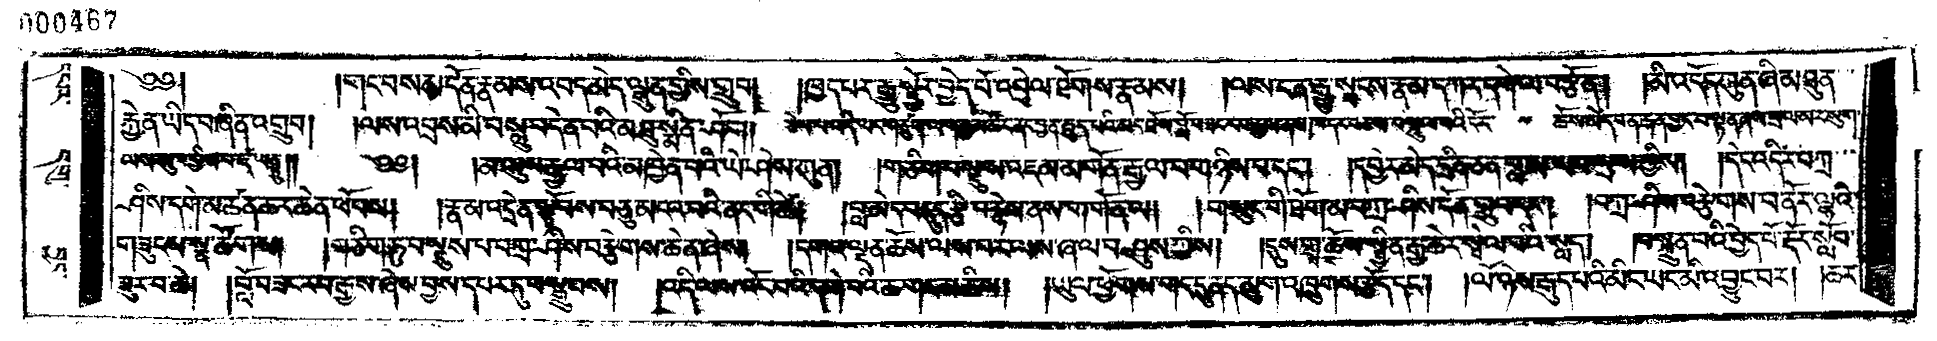༄༅། །གང་བསམ་དོན་རྣམས་འབད་མེད་ལྷུན་གྱིས་གྲུབ། །ཁྱད་པར་རྒྱུ་སྦྱོར་བྱེད་པོ་འབྲེལ་ཐོགས་རྣམས། །ལས་ངན་རྒྱུ་སྤངས་རྣམ་དཀར་དགེ་ལ་བརྩོན། །མི་འདོད་ཀུན་ཞི་མཐུན་
རྐྱེན་ཡིད་བཞིན་འགྲུབ། །ལས་འབྲས་མི་བསླུ་བདེན་པའི་མཐུ་སྨིན་ཤོག །ཅེས་པ་འདི་ཡང་གཙུག་ལག་རྒྱ་མཚོར་ནང་བྱན་ཆུད་པའི་མང་ཐོས་བློ་བཟང་རབ་རྒྱས་ནས་ཁ་དར་བཅས་བསྐུལ་བའི་ངོར་༧་ཆོས་མེད་བན་རྒན་བྱང་བསྟན་ནས་ཕྲལ་མར་སུག་
ལས་སུ་བགྱིས་པ་ཛ་ཡནྟུ།། ༄༅། །མ་ལུས་རྒྱལ་བའི་མཁྱེན་པའི་ཡེ་ཤེས་ཀུན། །གཅིག་བསྡུས་འཇམ་མགོན་རྒྱལ་བ་གཉིས་པ་དང་། །དབྱེར་མེད་དྲིན་ཅན་བླ་མ་ཡབ་སྲས་ཀྱིས། །དེང་འདིར་བཀྲ་
ཤིས་དགེ་མཚན་ཆར་ཆེན་ཕོབས། །རྣམ་འདྲེན་སྟོབས་བཅུ་མངའ་བའི་ནང་གི་ཚེ། །བླ་མེད་བདུད་རྩི་བརྙེས་ནས་ག་གོན་ལ། །གསུང་གི་ཐོག་མ་བཀྲ་ཤིས་དོན་གྲུབ་དང་། །བཀྲ་ཤིས་བརྩེགས་པ་ནོར་ལྷའི་
གཟུངས་སྣ་ཚོགས། །གཅིག་ཏུ་བསྡུས་པ་བཀྲ་ཤིས་བརྩེགས་ཆེན་ཞེས། །དགའ་ལྡན་ཆོས་ལས་པར་ལས་ཞལ་བཤུས་ཀྱིས། །དུས་གྲྭར་ཆོས་སྦྱིན་རྒྱ་ཆེར་སྤེལ་བའི་སླད། །བསྐྲུན་པའི་བྱེད་པོ་རྡོར་སློབ་
ཟུར་བ་ཆེ། །བློ་བཟང་རབ་རྒྱས་ཞེས་བྱས་དཔར་དུ་བསྒྲུབས། །འདི་ལས་འོང་བའི་དགེ་བའི་ཆ་གང་མཆིས། །ཡུལ་ཕྱོགས་གང་དུ་ནད་མུག་འཁྲུགས་རྩོད་དང་། །ལོ་ཉེས་རྒུད་པའི་མིང་ཡང་མི་འབྱུང་བར། །ཆར་